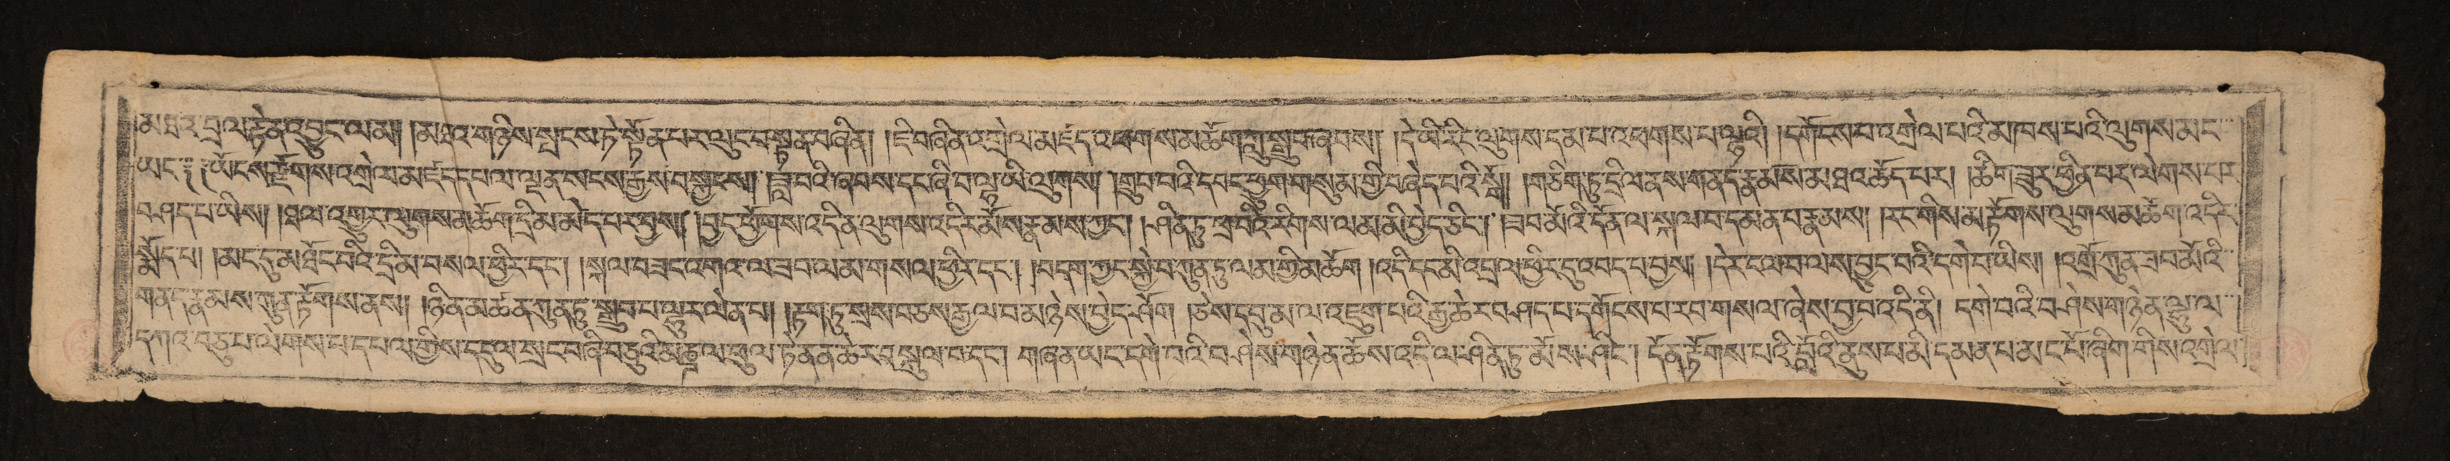མཐའ་བྲལ་རྟེན་འབྱུང་ལམ། །མཐའ་གཉིས་སྤངས་ཏེ་སྟོན་པར་ལུང་བསྟན་བཞིན། །ཇི་བཞིན་འགྲེལ་མཛད་འཕགས་མཆོག་ཀླུ་སྒྲུབ་ཞབས། །དེ་ཡི་རིང་ལུགས་དམ་པ་འཕགས་པ་ལྷའི། །དགོངས་པ་འགྲེལ་པའི་མཁས་པའི་ལུགས་མང་
ཡང༑ ༑ཡོངས་རྫོགས་འགྲེལ་མཛད་དཔལ་ལྡན་སངས་རྒྱས་བསྐྱངས། །ཟླ་བའི་ཞབས་དང་ཞི་བ་ལྷ་ཡི་ལུགས། །གྲུབ་པའི་དབང་ཕྱུག་གསུམ་གྱི་བཞེད་པའི་སྒོ། །གཅིག་ཏུ་དྲིལ་ནས་གནད་རྣམས་མཐའ་ཆོད་པར། །ཚིག་ཟུར་ཕྱིན་པར་ལེགས་པར་
བཤད་པ་ཡིས། །ཐལ་འགྱུར་ལུགས་མཆོག་དྲི་མ་མེད་པར་བྱས། །བྱང་ཕྱོགས་འདི་ན་ལུགས་འདིར་མོས་རྣམས་ཀྱང་། །ཤིན་ཏུ་ཕྲ་བའི་རིགས་ལམ་མི་བྱེད་ཅིང་། །ཟབ་མོའི་དོན་ལ་སྐལ་བ་དམན་པ་རྣམས། །རང་གིས་མ་རྟོགས་ལུགས་མཆོག་འདིར་
སྨོད་པ། །མང་དུ་མཐོང་བའི་དྲི་མ་བསལ་ཕྱིར་དང་། །སྐལ་བཟང་འགའ་ལ་ཟབ་ལམ་གསལ་ཕྱིར་དང་། །བདག་ཀྱང་སྐྱེ་བ་ཀུན་ཏུ་ལམ་གྱི་མཆོག །འདི་དང་མི་འབྲལ་ཕྱིར་དུ་འབད་པ་བྱས། །དེར་ངལ་བ་ལས་བྱུང་བའི་དགེ་བ་ཡིས། །འགྲོ་ཀུན་ཟབ་མོའི་
གནད་རྣམས་ཀུན་རྟོགས་ནས། །ཉིན་མཚན་ཀུན་ཏུ་སྒྲུབ་པ་ལྷུར་ལེན་པས། །རྟག་ཏུ་སྲས་བཅས་རྒྱལ་བ་མཉེས་བྱེད་ཤོག །ཅེས་དབུ་མ་ལ་འཇུག་པའི་རྒྱ་ཆེར་བཤད་པ་དགོངས་པ་རབ་གསལ་ཞེས་བྱ་བ་འདི་ནི། དགེ་བའི་བཤེས་གཉེན་ལྷུ་ལ་
དཀའ་བཅུ་པ་ལེགས་པ་དཔལ་གྱིས་དངུལ་སྲང་བཞི་བཅུའི་མཎྜལ་ཕུལ་ཏེ་ནན་ཆེར་བསྐུལ་བ་དང་། གཞན་ཡང་དགེ་བའི་བཤེས་གཉེན་ཆོས་འདི་ལ་ཤིན་ཏུ་མོས་ཤིང་། དོན་རྟོགས་པའི་བློའི་ནུས་པ་མི་དམན་པ་མང་པོ་ཞིག་གིས་འགྲེལ་